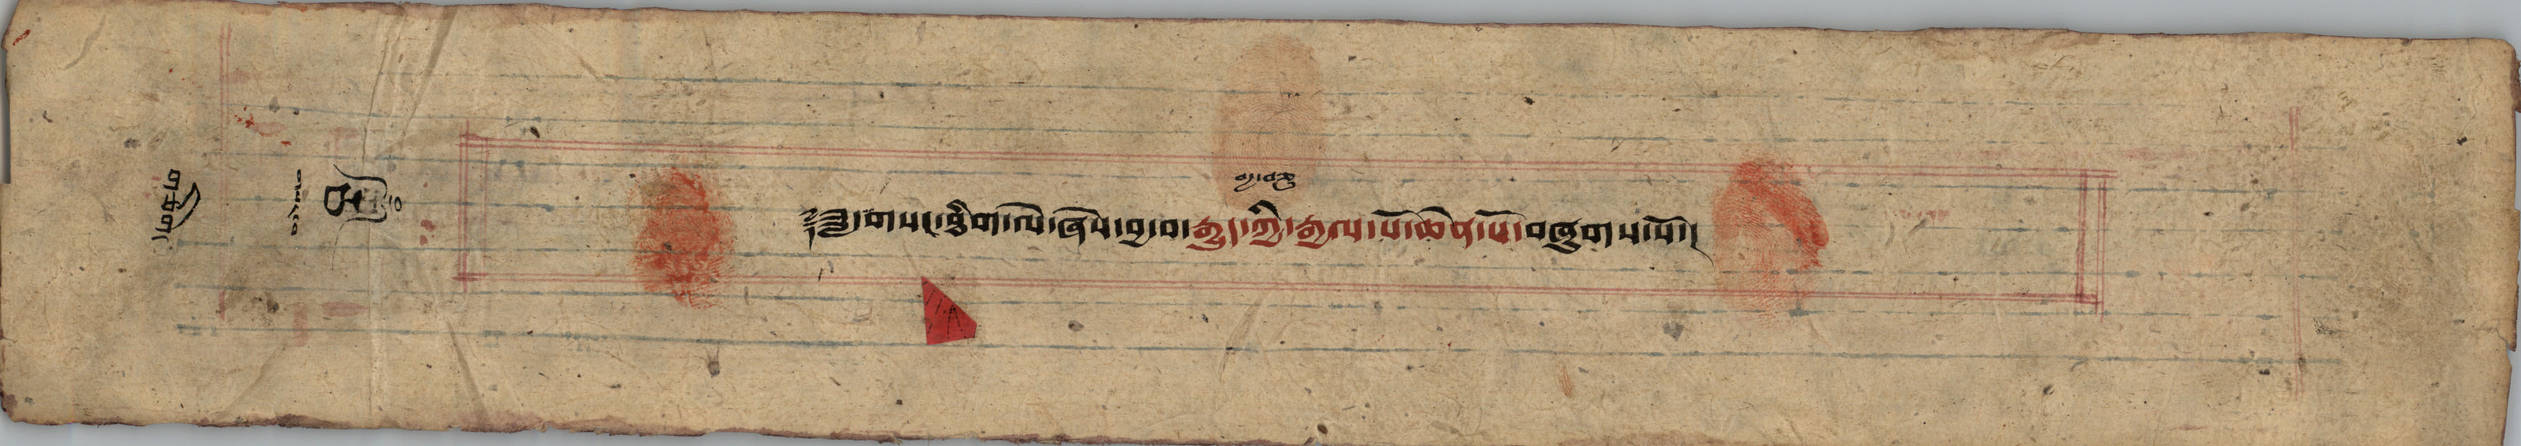࿑ཟླ་གསང་ཐིག་ལེ་ཞེས་བྱ་བ་རྒྱུད་ཀྱི་རྒྱལ་པོ་ཆེན་པོ་བཞུགས་སོ་།